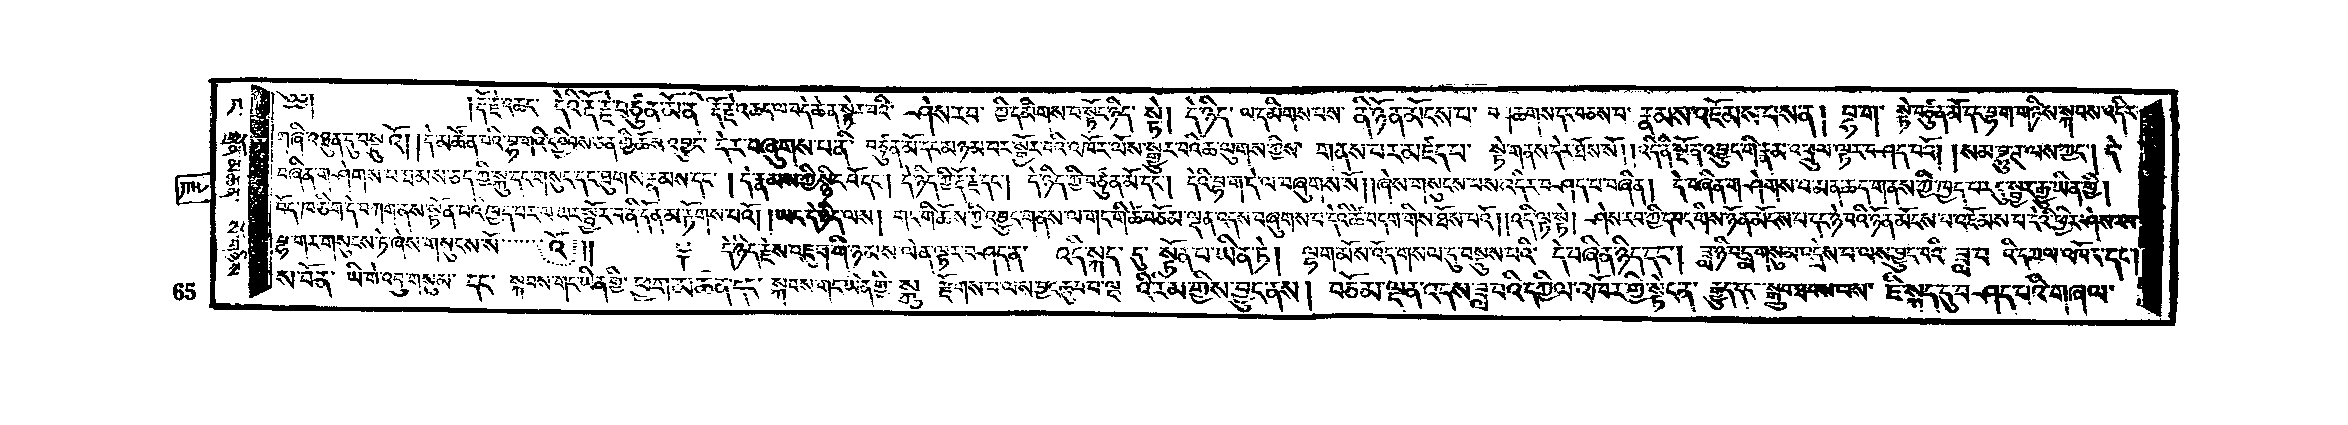༄༅། །རྡོ་རྗེ་འཆང་དེའི་རྡོ་རྗེ་བཙུན་མོ་ནི་རྡོ་རྗེ་འཆང་ལ་བདེ་ཆེན་སྟེར་བའི་ཤེས་རབ་ཀྱི་དམིགས་པ་སྟོང་ཉིད་སྟེ། དེ་ཉིད་ལ་དམིགས་པས་ནི་ཉོན་མོངས་པ་བག་ཆགས་དང་བཅས་པ་རྣམས་འཇོམས་པས་ན། བྷ་ག་སྟེ་བཙུན་མོ་དང་བྷ་ག་གཉིས་སྐབས་འདིར་
གཞི་འཐུན་དུ་བསྡུའོ། །དེ་མཚོན་པའི་བྷ་གའི་དབྱིབས་ཅན་གྱི་ཆོས་འབྱུང་དེར་བཞུགས་པ་ནི་བཙུན་མོ་དང་མཉམ་པར་སྦྱོར་བའི་འཁོར་ལོས་སྒྱུར་བའི་ཆ་ལུགས་ཀྱིས་གནས་པར་མཛད་པ་སྟེ་གནས་དེར་ཐོས་སོ། །འདི་ནི་སྔོན་འབྱུང་གི་རྣམ་འཕྲུལ་ལྟར་བཤད་པའོ། །སམ་བྷུ་ཊ་ལས་ཀྱང་། དེ་
བཞིན་གཤེགས་པ་ཐམས་ཅད་ཀྱི་སྐུ་དང་གསུང་དང་ཐུགས་རྣམས་དང་། དེ་རྣམས་ཀྱི་སྙིང་པོ་དང་། དེ་ཉིད་ཀྱི་རྡོ་རྗེ་དང་། དེ་ཉིད་ཀྱི་བཙུན་མོ་དང་། དེའི་བྷ་ག་དེ་ལ་བཞུགས་སོ། །ཞེས་གསུངས་པས་འདིར་བཤད་པ་བཞིན། དེ་བཞིན་གཤེགས་པ་མན་ཆད་གནས་ཀྱི་ཁྱད་པར་དུ་སྦྱར་རྒྱུ་ཡིན་གྱི།
བོད་ཁ་ཅིག་དེ་བཀག་ནས་སྟོན་པའི་ཁྱད་པར་ལ་ཡར་སྦྱོར་བ་ནི་དོན་མ་རྟོགས་པའོ། །ཡང་དེ་ཉིད་ལས། གང་གི་ཆོས་ཀྱི་འབྱུང་གནས་ལ་གང་གི་ཚེ་བཅོམ་ལྡན་འདས་བཞུགས་པ་དེའི་ཚེ་བདག་གིས་ཐོས་པའོ། །འདི་ལྟ་སྟེ། ཤེས་རབ་ཀྱི་དབང་གིས་ཉོན་མོངས་པ་དང་ཉེ་བའི་ཉོན་མོངས་པ་འཇོམས་པ་དེའི་ཕྱིར་ཤེས་རབ་
བྷ་གར་གསུངས་ཏེ་ཞེས་གསུངས་སོ་འོ།། ༈ དེ་ཉིད་རྗེས་འཇུག་གི་ཉམས་ལེན་ལྟར་བཤད་ན་འདི་སྐད་དུ་སྟོན་པ་ཡིན་ཏེ། ལྷག་མོས་འོད་གསལ་དུ་བསྡུས་པའི་དེ་བཞིན་ཉིད་དང་། ཟླ་ཉི་པདམ་གསུམ་འདྲེས་པ་ལས་བྱུང་བའི་ཟླ་བ་འི་དཀྱིལ་འཁོར་དང་།
ས་བོན་ཡི་གེ་འབྲུ་གསུམ་དང་སྐབས་གང་ཡིན་གྱི་ཕྱག་མཚན་དང་སྐབས་གང་ཡིན་གྱི་སྐུ་རྫོགས་པ་ལས་བྱང་ཆུབ་པ་ལྔའི་རིམ་གྱིས་བྱུང་ནས། བཅོམ་ལྡན་འདས་ཟླ་བའི་དཀྱིལ་འཁོར་གྱི་སྟེང་ན་རྒྱུད་དང་སྒྲུབ་ཐབས་ལས་ཇི་སྐད་དུ་བཤད་པའི་གཞལ་